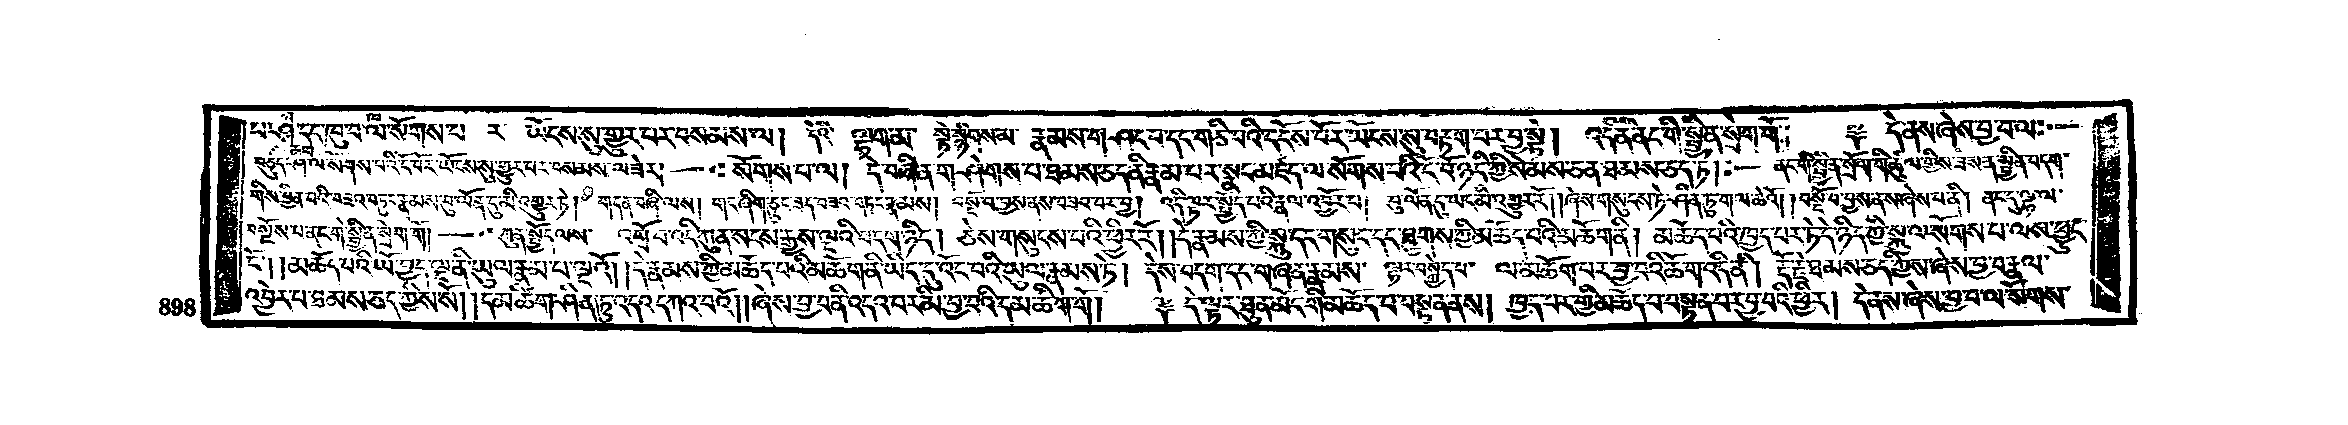པ་ཤ་དང་ཁུ་བ་ཁ་ལ་སོགས་པར་ཡོངས་སུ་གྱུར་བར་བསམས་ལ། དེའི་ལྷག་མ་སྟེ་སྙིགས་མ་རྣམས་གཤང་བ་དང་གཅི་བའི་དངོས་པོར་ཡོངས་སུ་བརྟག་པར་བྱ་སྟེ། འདི་ནི་ནང་གི་སྦྱིན་སྲེག་གོ །། ༈ དེ་ནས་ཞེས་བྱ་བ་ལ་H
བཅུད་ཆག་ཤ་ལ་སོགས་པའི་ངོ་བོར་ཡོངས་སུ་གྱུར་པར་བསམས་ལ་ཟེར། H སོགས་པ་ལ། དེ་བཞིན་གཤེགས་པ་ཐམས་ཅད་ནི་རྣམ་པར་སྣང་མཛད་ལ་སོགས་པའི་ངོ་བོ་ཉིད་ཀྱི་སེམས་ཅན་ཐམས་ཅད་ཏེ། H ནང་གི་སྦྱིན་སྲེག་གི་ཚུལ་གྱིས་ཟས་ན་སྦྱིན་བདག་
གིས་བྱིན་པའི་བཟའ་བཏུང་རྣམས་བུ་ལེན་དུ་མི་འགྱུར་ཏེ། གདན་བཞི་ལས། གང་ཞིག་ཅུང་ཟད་བཟའ་བཏུང་རྣམས། བསྔོ་བ་བྱས་ནས་བཟའ་བར་བྱ། འདི་ལྟར་སྤྱོད་པའི་རྣལ་འབྱོར་པ། བུ་ལོན་དུ་ཡང་མི་འགྱུར་རོ། །ཞེས་གསུངས་ཏེ་ཤིན་ཏུ་གལ་ཆེའོ། །བསྔོ་བ་བྱས་ནས་ཞེས་པ་ནི། ནང་དུ་ལྷ་ལ་
བསྤོས་?་པ་ནང་གི་སྦྱིན་སྲེག་གོ། H ཀུན་སྤྱོད་ལས་འགྲོ་བ་འདི་ཀུན་སངས་རྒྱས་ལྔའི་བདག་ཉིད། ཅེས་གསུངས་པའི་ཕྱིར་རོ། །དེ་རྣམས་ཀྱི་སྐུ་དང་གསུང་དང་ཐུགས་ཀྱི་མཆོད་པའི་མཆོག་ནི། མཆོད་པའི་ཁྱད་པར་ཏེ་དེ་ཉིད་ཀྱི་སྐུ་ལ་སོགས་པ་ལས་ཕྱུང་
ངོ། །མཆོད་པའི་ཡོ་བྱད་ལྔ་ནི་ཡུལ་རྣམ་པ་ལྔའོ། །དེ་རྣམས་ཀྱི་མཆོད་པའི་མཆོག་ནི་ཡིད་དུ་འོང་བའི་ཡུལ་རྣམས་ཏེ། དེས་བདག་དང་གཞན་རྣམས་ལྷར་བསྐྱེད་པ་ལ་མཆོག་པར་བྱ་བའི་ཆོ་ག་འདི་ནི། རྡོ་རྗེ་ཐམས་ཅད་ཀྱིས་ཞེས་བྱ་བ་རྣལ་
འབྱོར་པ་ཐམས་ཅད་ཀྱིས་སོ། །དམ་ཚིག་ཤིན་ཏུ་འདའ་དཀའ་བའོ། །ཞེས་བྱ་བ་ནི་འདའ་བར་མི་བྱ་བའི་དམ་ཚིག་གོ། ༈ དེ་ལྟར་ཐུན་མོང་གི་མཆོད་པ་བསྟན་ནས། ཁྱད་པར་གྱི་མཆོད་པ་བསྟན་པར་བྱ་བའི་ཕྱིར། དེ་ནས་ཞེས་བྱ་བ་ལ་སོགས་